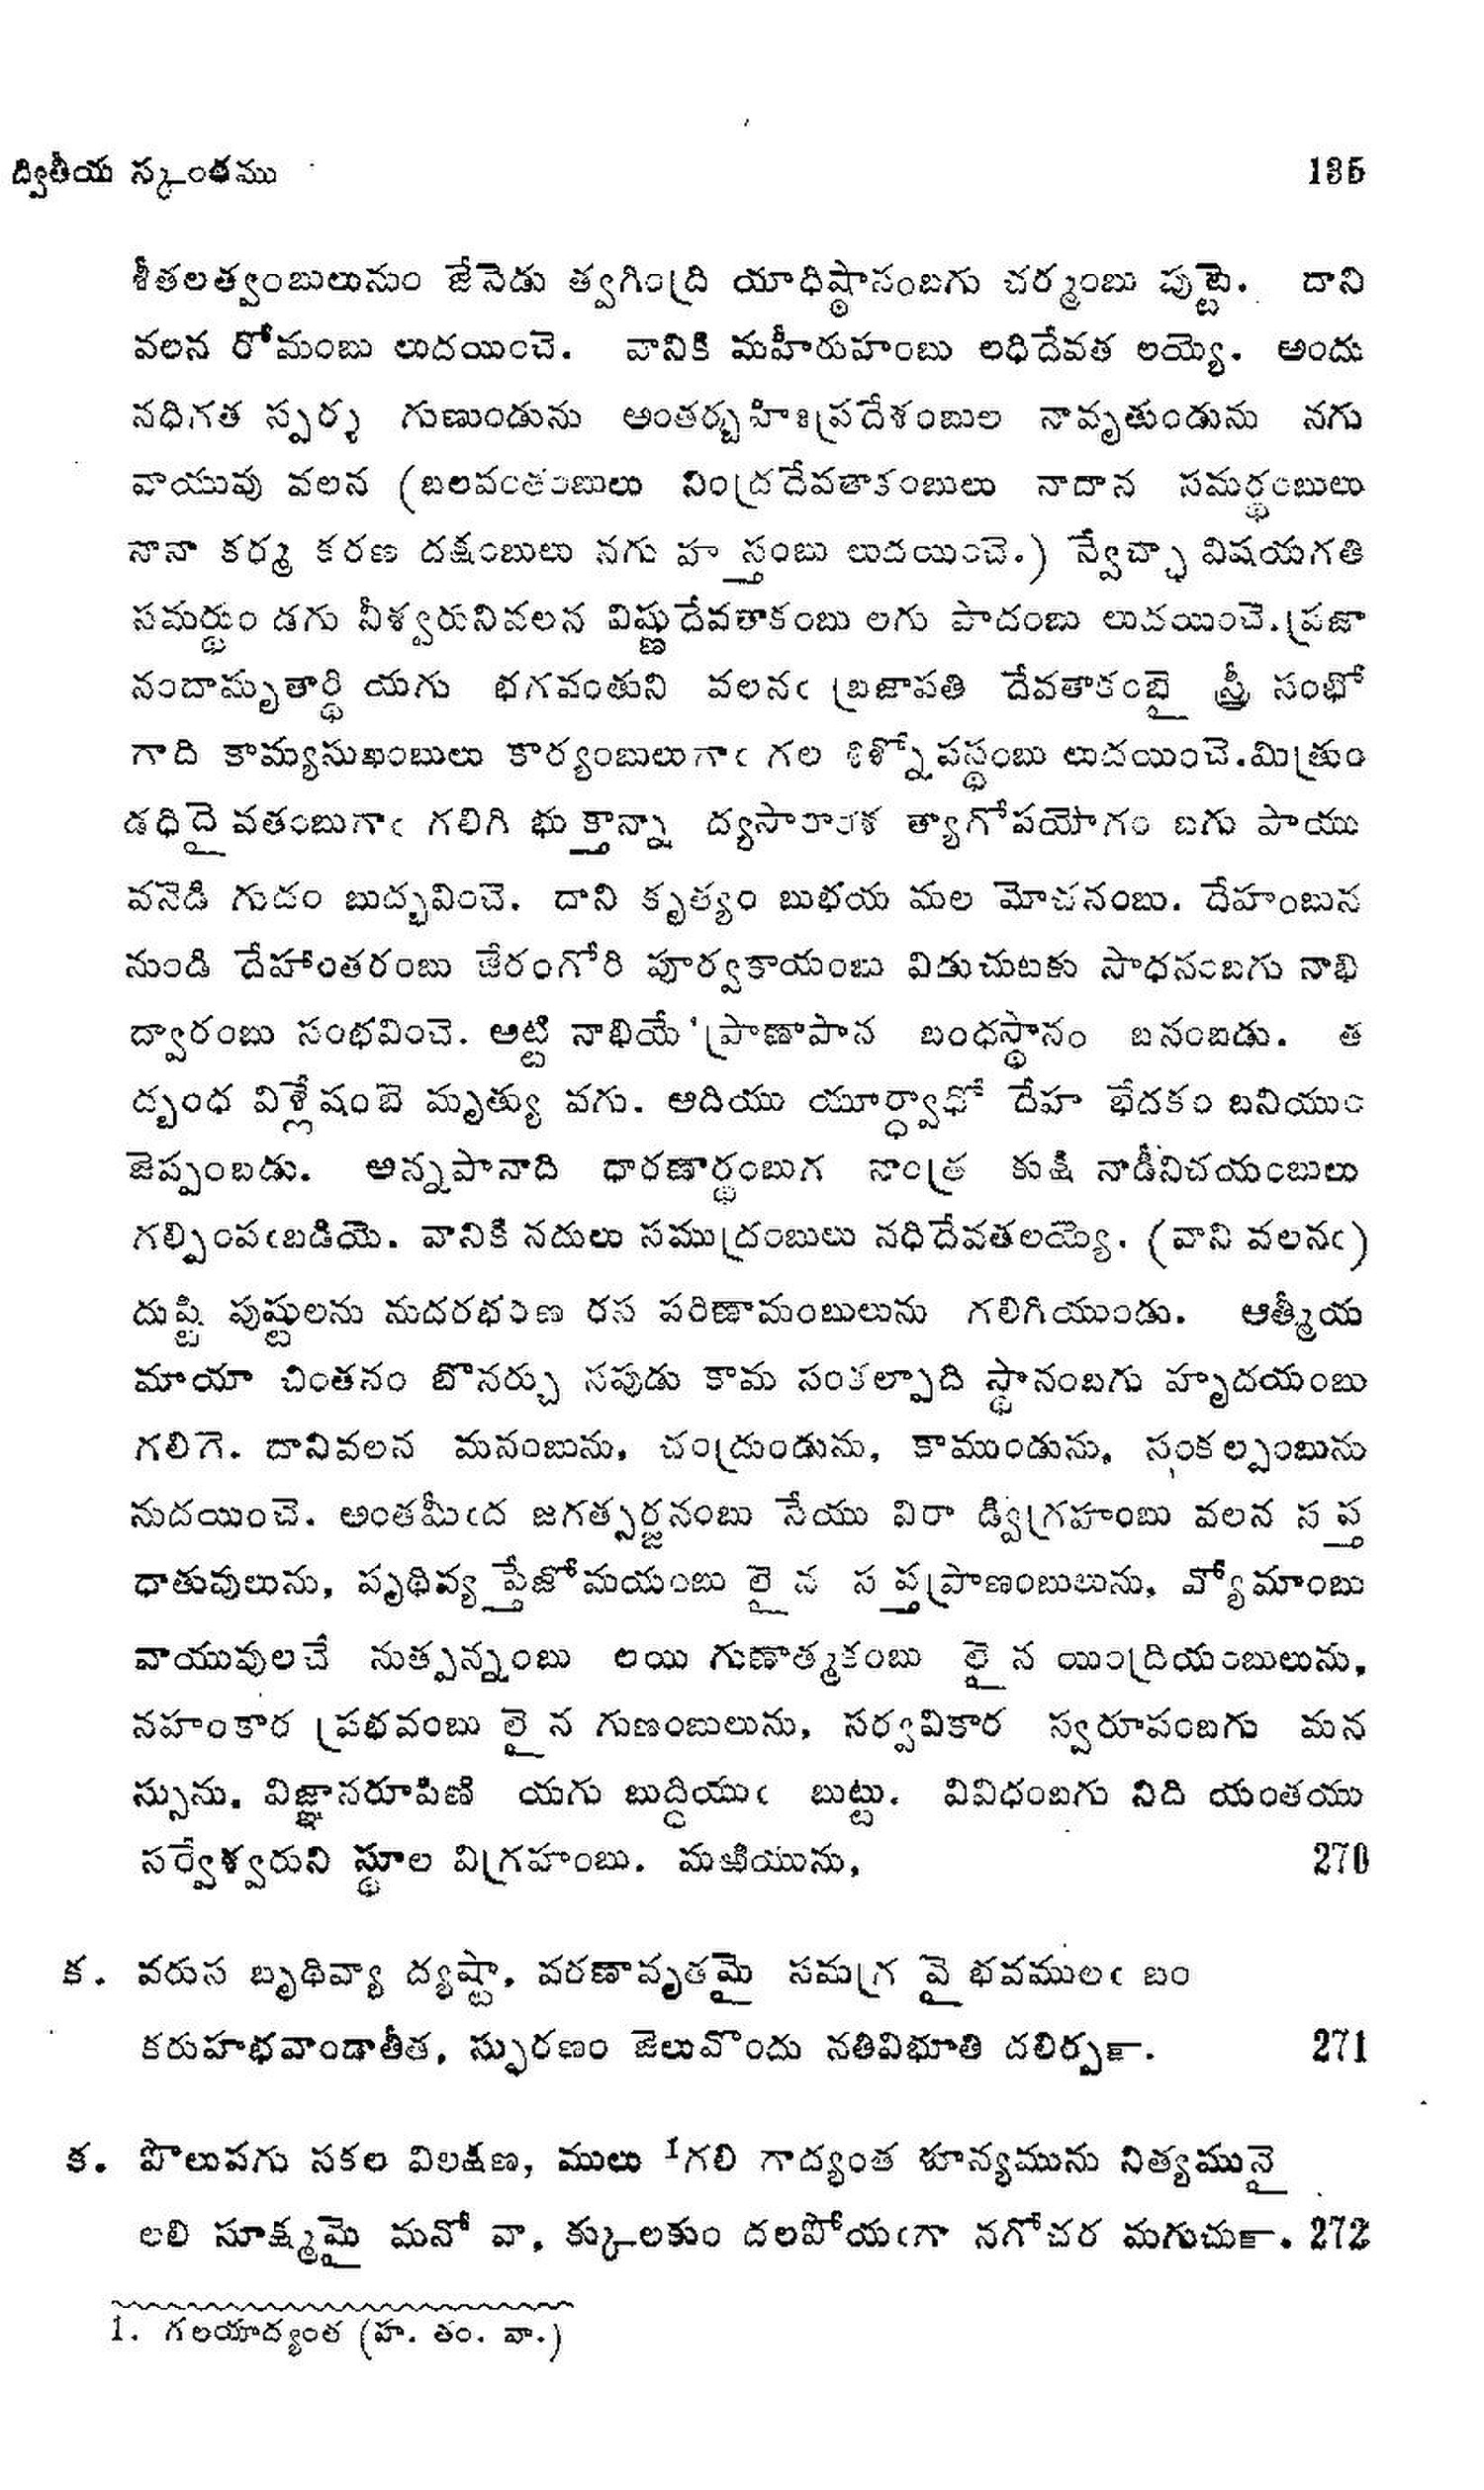135

శీతలత్వంబులునుం జేసెడు త్వగింద్రి యాదిష్ఠానంబగు చర్మంబు 

పుట్టె. దానివలన రోమంబు లుదయించె. వానికి మహీరుహంబు లధిదేవత లయ్యె. అందు నధిగత స్పర్శ గుణుండును అంతర్బహిఃప్రదేశంబుల నావృతుండును నగు వాయువు వలన 

(బలవంతంబులు నింద్రదేవతాకంబులు నాదాన సమర్థంబులు నానాకర్మ కరణ దక్షంబులు నగు హస్తంబు లుదయించె.) స్వేచ్ఛా విషయగతి సమర్థుండగు నీశ్వరునివలన విష్ణుదేవతాకంబులగు 

పాదంబు లుదయించె. ప్రజానందామృతార్థి యగు భగవంతుని వలనఁ బ్రజాపతి దేవతాకంబై స్త్రీ సంభోగాది కామ్యసుఖంబులు కార్యంబులుగాఁ గల శిశ్నోపస్థంబు లుదయించె. మిత్రుండధిదైవ 

తంబుగాఁ గలిగి భుక్తాన్న ద్యసారాంశ త్యాగోపయోగం బగు పాయు వనెడి గుదం బుద్భవించె. దాని కృత్యం బుభయ మల మోచనంబు, దేహంబున నుండి దేహాంతరంబు జేరంగోరి 

పూర్వకాయంబు విడుచుటకు సాధనంబగు నాభి ద్వారంబు సంభవించె. అట్టి నాభియే ప్రాణాపాన బంధస్థానం బనంబడు. తద్బంధ విశ్లేషంబె మృత్యు వగు. అదియు యూర్థ్వాధో దేహ భేదకం 

బనియుం జెప్పంబడు. అన్న పానాది ధారణార్థంబుగ నాంత్ర కుక్షి నాడీనిచయంబులు గల్పింపఁబడియె. వానికి నదులు సముద్రంబులు నధిదేవతలయ్యె. (వాని వలనఁ) దుష్టిపుష్టులను నుదర 

భరణ రస పరిణామంబులును గలిగియుండు. ఆత్మీయ మాయా చింతనం బొనర్చు నపుడుకామ సంకల్పాది స్థానంబగు హృదయంబు గలిగె. దానివలన మనంబును, చంద్రుండును, 

కాముండును, సంకల్పంబును నుదయించె. అంత మీఁద జగత్సర్జనంబు సేయు విరా డ్విగ్రహంబు వలన సప్తధాతువులును, పృథివ్యప్తేజోమయంబులైన సప్తప్రాణంబులును,వ్యోమాంబు 

వాయువులచే నుత్పన్నంబు లయి గుణాత్మకంబు లైన యింద్రియంబులును, నహంకార ప్రభవంబులైన గుణంబులును, సర్వవికార స్వరూపంబగు మనస్సును, విజ్ఞానరూపిణి యగు బుద్ధియుఁ 

బుట్టు. వివిధంబగు నిది యంతయు సర్వేశ్వరుని స్థూల విగ్రహంబు, మఱియును, (270)

క. వరుస బృథివ్యా ద్యష్టా, వరణావృతమై సమగ్ర వైభవములఁ బం

కరుహభవాండాతీత, స్ఫురణం జెలువొందు నతివిభూతి దలిర్పన్. (271)

క. పొలుపగు సకల విలక్షణ, ములు గలి గాద్యంత శూన్యమును నిత్యమునై

లలి సూక్ష్మమై మనో వా, క్కులకుం దలపోయఁగా నగోచర మగుచున్. (272)